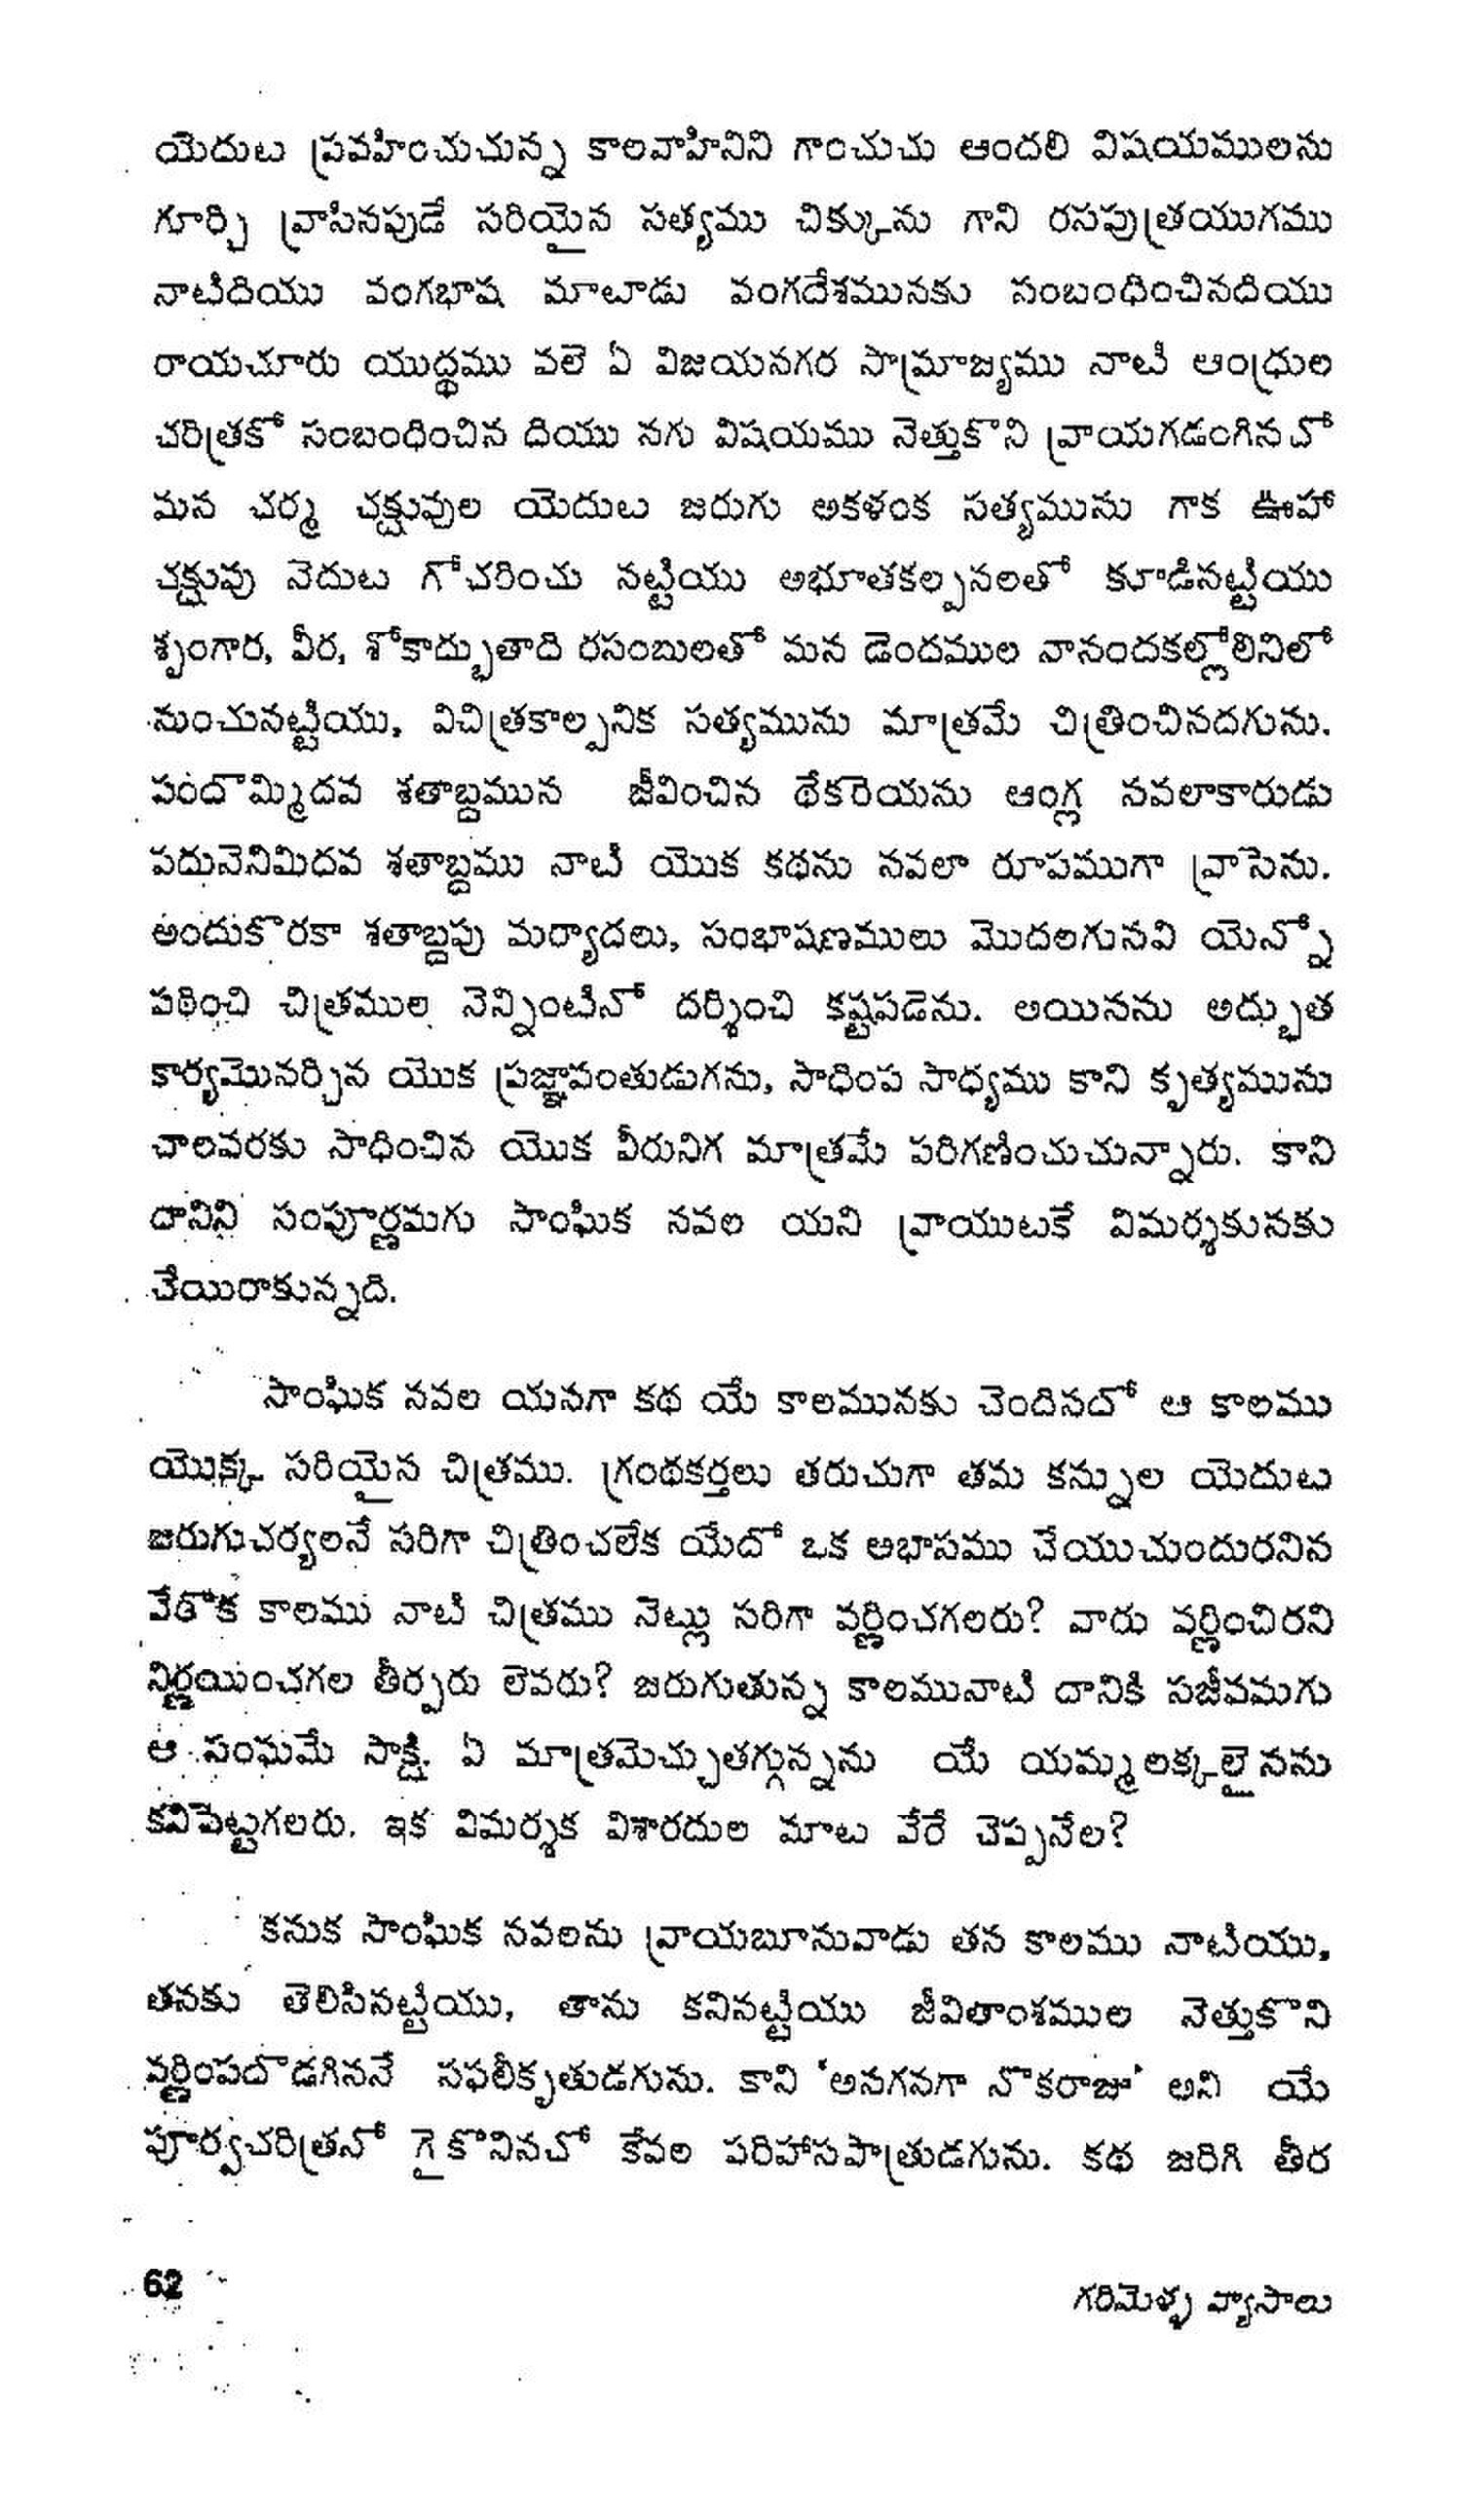యెదుట ప్రవహించుచున్న కాలవాహినిని గాంచుచు అందలి విషయములను గూర్చి వ్రాసినపుడే సరియైన సత్యము చిక్కును గాని రసపుత్రయుగము నాటిదియు వంగభాష మాటాడు వంగదేశమునకు సంబంధించినదియు రాయచూరు యుద్ధము వలె ఏ విజయనగర సామ్రాజ్యము నాటి ఆంధ్రుల చరిత్రకో సంబంధించిన దియు నగు విషయము నెత్తుకొని వ్రాయగడంగినచో మన చర్మ చక్షువుల యెదుట జరుగు అకళంక సత్యమును గాక ఊహా చక్షువు నెదుట గోచరించు నట్టియు అభూతకల్పనలతో కూడినట్టియు శృంగార, వీర, శోకాద్భుతాది రసంబులతో మన డెందముల నానందకల్లోలినిలో నుంచునట్టియు, విచిత్రకాల్పనిక సత్యమును మాత్రమే చిత్రించినదగును. పందొమ్మిదవ శతాబ్దమున జీవించిన థేకరియను ఆంగ్ల నవలాకారుడు పదునెనిమిదవ శతాబ్దము నాటి యొక కథను నవలా రూపుముగా వ్రాసెను. అందుకొరకా శతాబ్దపు మర్యాదలు, సంభాషణములు మొదలగునవి యెన్నో పఠించి చిత్రముల నెన్నింటినో దర్శించి కష్టపడెను. అయినను అద్భుత కార్యమొనర్చిన యొక ప్రజ్ఞావంతుడుగను, సాధింప సాధ్యము కాని కృత్యమును చాలవరకు సాధించిన యొక వీరునిగ మాత్రమే పరిగణించుచున్నారు. కాని దానిని సంపూర్ణమగు సాంఘిక నవల యని వ్రాయుటకే విమర్శకునకు చేయిరాకున్నది.

సాంఘిక నవల యనగా కథ యే కాలమునకు చెందినదో ఆ కాలముయొక్క సరియైన చిత్రము. గ్రంథకర్తలు తరుచుగా తమ కన్నుల యెదుట జరుగుచర్యలనే సరిగా చిత్రించలేక యేదో ఒక అభాసము చేయుచుందురనిన వేరొక కాలము నాటి చిత్రము నెట్లు సరిగా వర్ణించగలరు? వారు వర్ణించిరని నిర్ణయించగల తీర్పరు లెవరు? జరుగుతున్న కాలమునాటి దానికి సజీవమగు ఆ సంఘమే సాక్షి. ఏ మాత్రమెచ్చుతగ్గున్నను యే యమ్మలక్కలైనను కనిపెట్టగలరు. ఇక విమర్శక విశారదుల మాట వేరే చెప్పనేల?

కనుక సాంఘిక నవలను వ్రాయబూనువాడు తన కాలము నాటియు, తనకు తెలిసినట్టియు, తాను కనినట్టియు జీవితాంశముల నెత్తుకొని వర్ణింపదొడగిననే సఫలీకృతుడగును. కాని 'అనగనగా నొకరాజు ' అని యే పూర్వచరిత్రనో గైకొనినచో కేవల పరిహసపాత్రుడగును. కథ జరిగి తీర